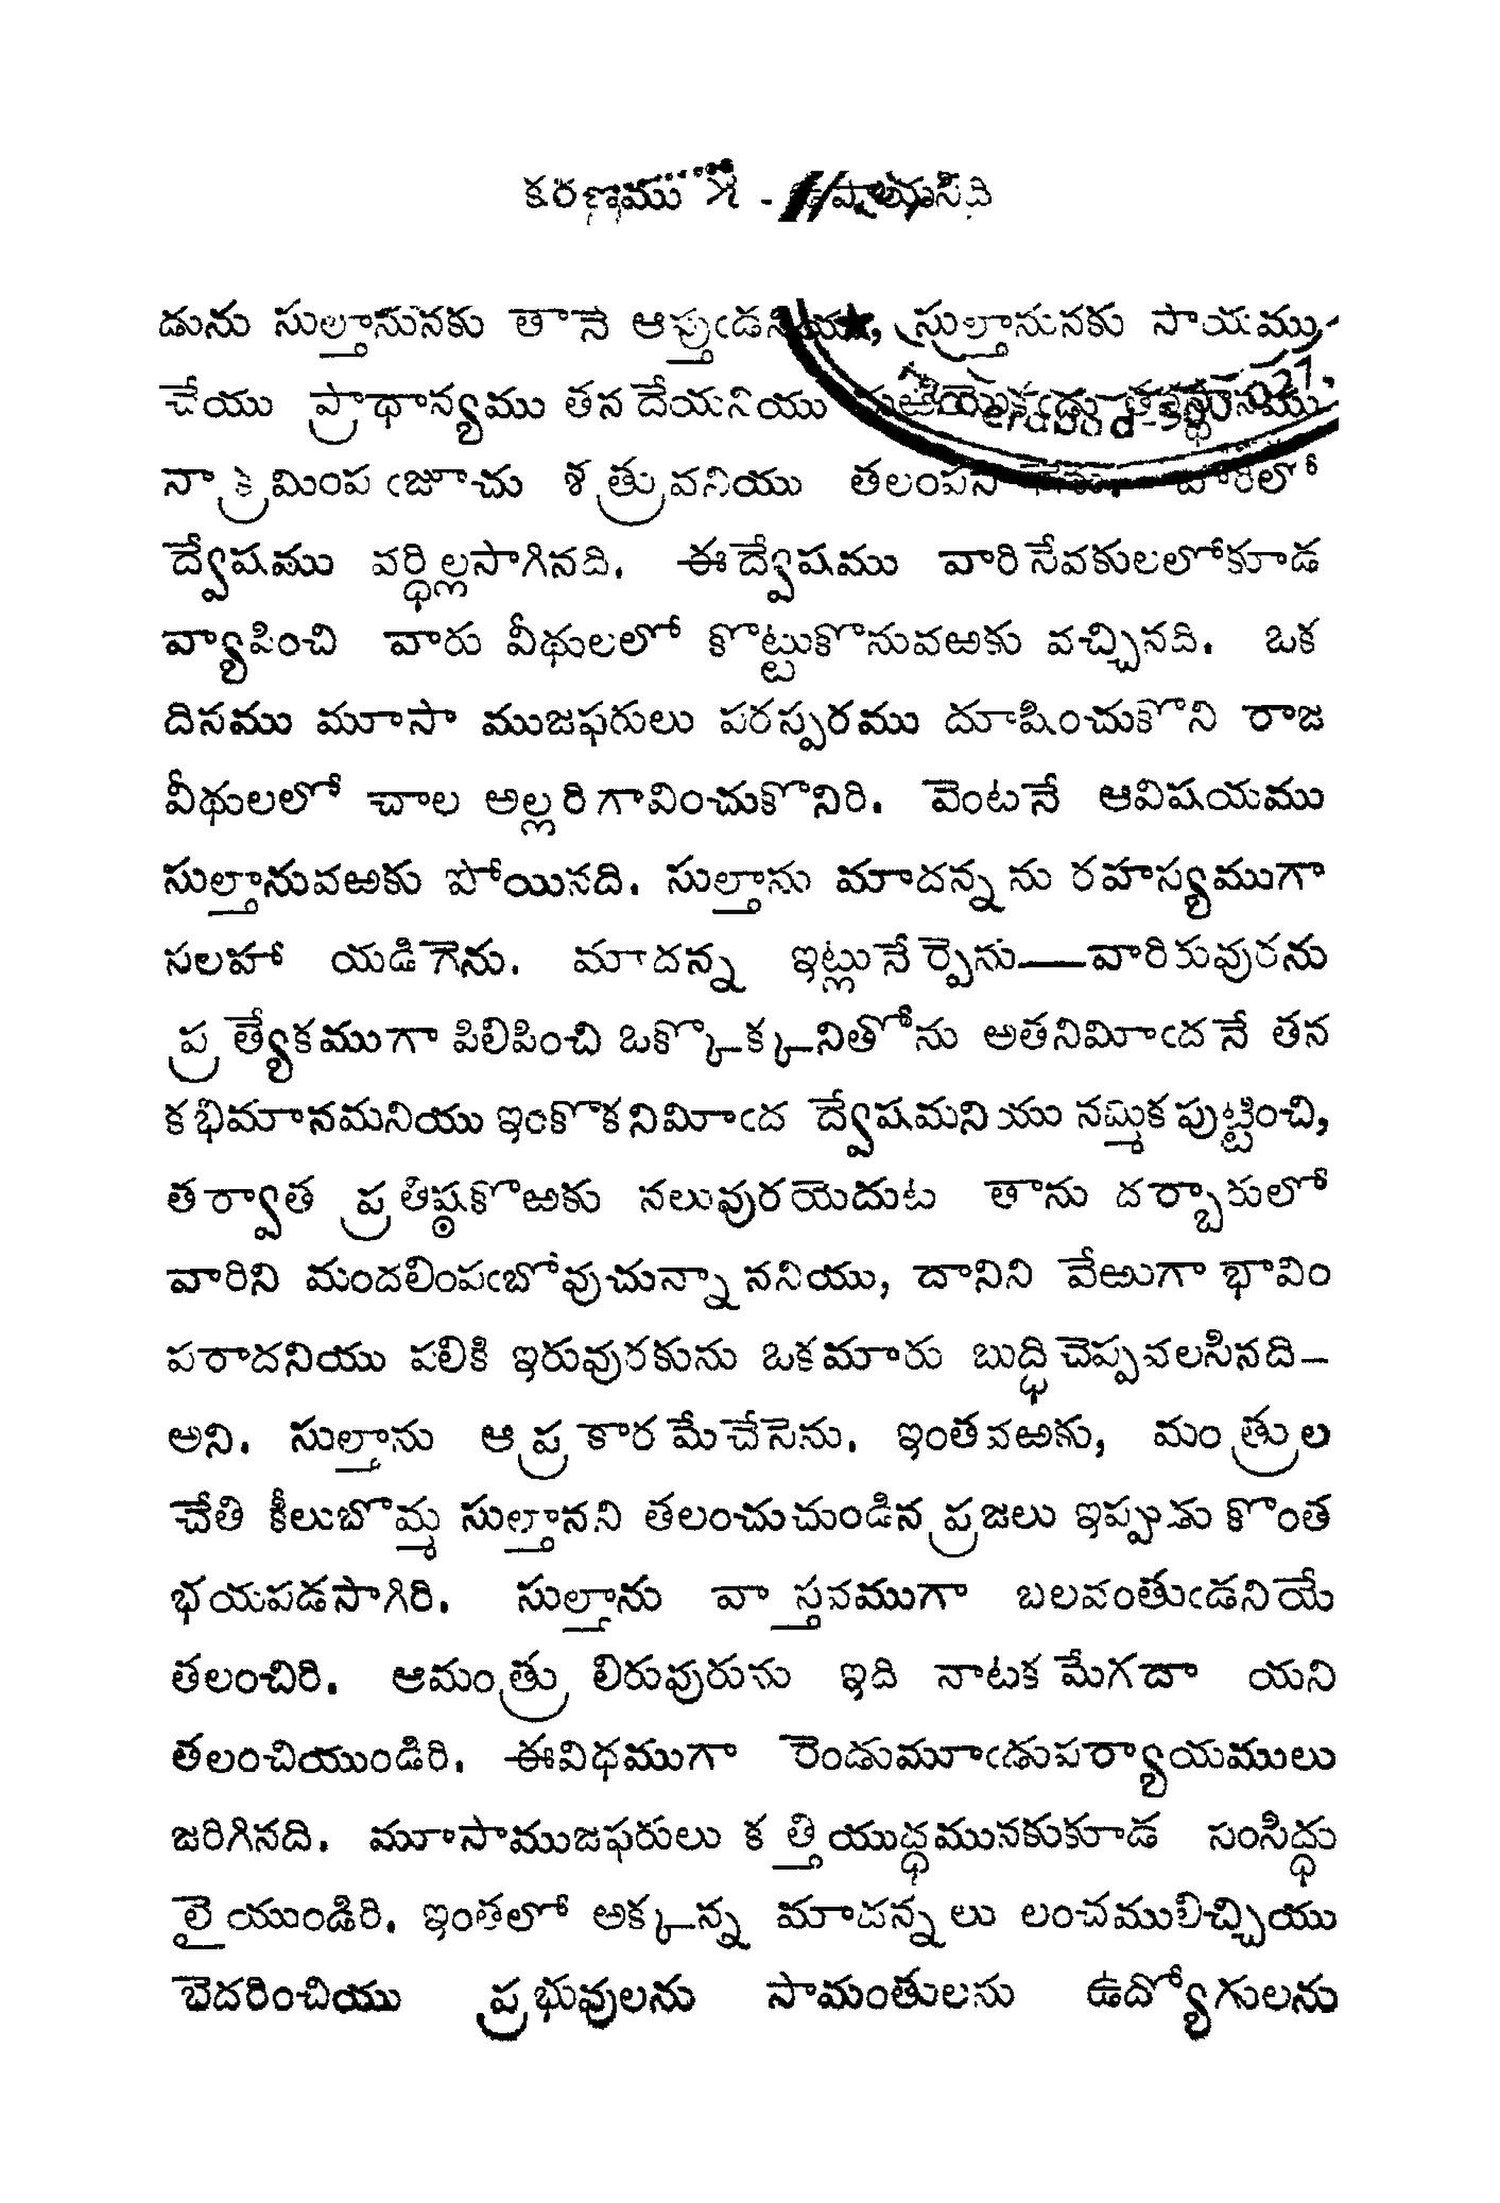డును సుల్తానునకు తానే ఆప్తుఁడనియు, సుల్తానునకు సాయముచేయు ప్రాధాన్యము తనదేయనియు మఱియొకఁడు తనస్థానము నాక్రమింపఁజూచు శత్రువనియు తలంపసాగెను. వారిలో ద్వేషము వర్ధిల్లసాగినది. ఈద్వేషము వారిసేవకులలోకూడ వ్యాపించి వారు వీథులలో కొట్టుకొనువఱకు వచ్చినది. ఒక దినము మూసా ముజఫరులు పరస్పరము దూషించుకొని రాజ వీథులలో చాల అల్లరిగావించుకొనిరి. వెంటనే ఆవిషయము సుల్తానువఱకు పోయినది. సుల్తాను మాదన్నను రహస్యముగా సలహా యడిగెను. మాదన్న ఇట్లునేర్పెను—వారిరువురను ప్రత్యేకముగా పిలిపించి ఒక్కొక్కనితోను అతనిమీఁదనే తన కభిమానమనియు ఇంకొకనిమీఁద ద్వేషమనియు నమ్మికపుట్టించి, తర్వాత ప్రతిష్ఠకొఱకు నలువురయెదుట తాను దర్బారులో వారిని మందలింపఁబోవుచున్నాననియు, దానిని వేఱుగా భావింపరాదనియు పలికి ఇరువురకును ఒకమారు బుద్ధిచెప్పవలసినది — అని. సుల్తాను ఆప్రకారమేచేసెను. ఇంతవఱకు, మంత్రుల చేతి కీలుబొమ్మ సుల్తానని తలంచుచుండినప్రజలు ఇప్పడు కొంత భయపడసాగిరి. సుల్తాను వాస్తవముగా బలవంతుఁడనియే తలంచిరి. ఆమంత్రు లిరువురును ఇది నాటకమేగదా యని తలంచియుండిరి. ఈవిధముగా రెండుమూఁడుపర్యాయములు జరిగినది. మూసాముజఫరులు కత్తియుద్ధమునకుకూడ సంసిద్ధులైయుండిరి. ఇంతలో అక్కన్న మాదన్నలు లంచములిచ్చియు బెదరించియు ప్రభువులను సామంతులను ఉద్యోగులను